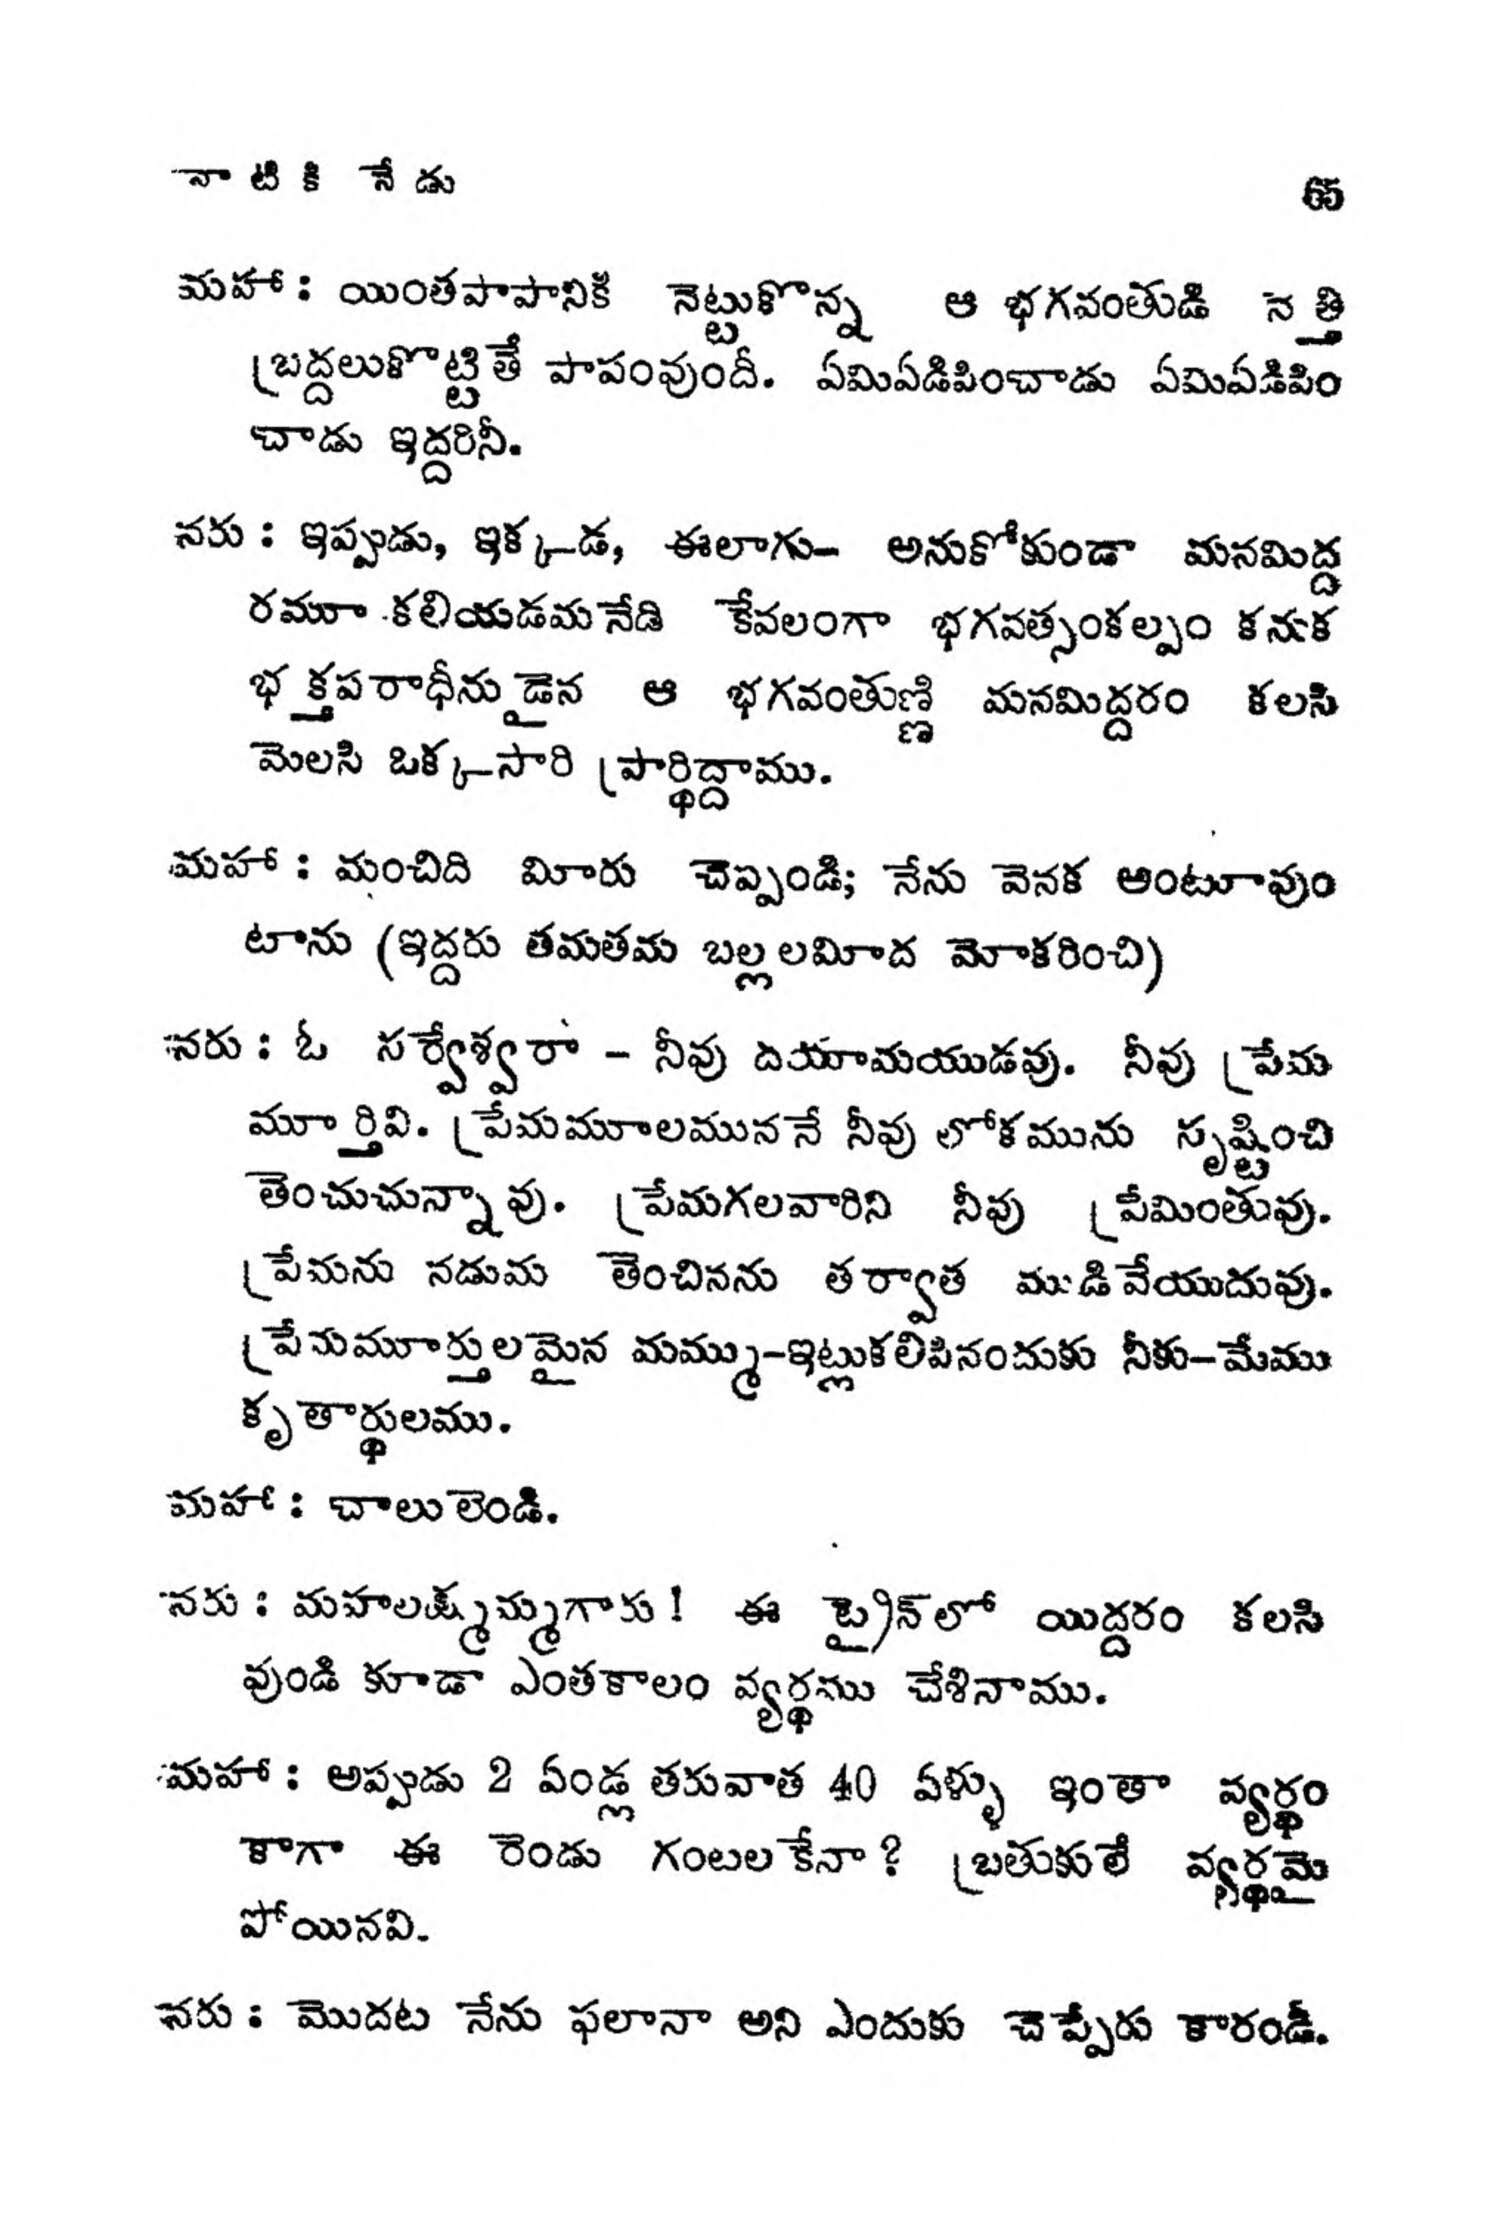మహా : యింతపాపానికి నెట్టుకొన్న ఆ భగవంతుడి నెత్తి బ్రద్దలుకొట్టితే పాపంవుందీ. ఏమిఏడిపించాడు ఏమిఏడిపించాడు ఇద్దరినీ.

నరు : ఇప్పుడు, ఇక్కడ, ఈలాగు - అనుకోకుండా మనమిద్దరమూ కలియడమనేది కేవలంగా భగవత్సంకల్పం కనుక
భక్తపరాధీనుడైన ఆ భగవంతుణ్ణి మనమిద్దరం కలసిమెలసి ఒక్కసారి ప్రార్థిద్దాము.

మహా : మంచిది మీరు చెప్పండి; నేను వెనక అంటూవుంటాను (ఇద్దరు తమతమ బల్లలమీద మోకరించి)

నరు : ఓ సర్వేశ్వరా - నీవు దయామయుడవు. నీవు ప్రేమమూర్తివి. ప్రేమమూలముననే నీవు లోకమును సృష్టించి
తెంచుచున్నావు. ప్రేమగలవారిని నీవు ప్రేమింతువు. ప్రేమను నడుమ తెంచినను తర్వాత ముడివేయుదువు.
ప్రేమమూర్తులమైన మమ్ము-ఇట్లుకలిపినందుకు నీకు-మేము కృతార్థులము.

మహా : చాలులెండి.

నరు : మహలక్ష్మమ్మగారు! ఈ ట్రైన్‌లో యిద్దరం కలసి వుండి కూడా ఎంతకాలం వ్యర్థము చేశినాము.

మహా : అప్పుడు 2 ఏండ్ల తరువాత 40 ఏళ్ళు ఇంతా వ్యర్థం కాగా ఈ రెండు గంటలకేనా ? బ్రతుకులే వ్యర్థమై
పోయినవి.

నరు : మొదట నేను ఫలానా అని ఎందుకు చెప్పేరు కారండీ.